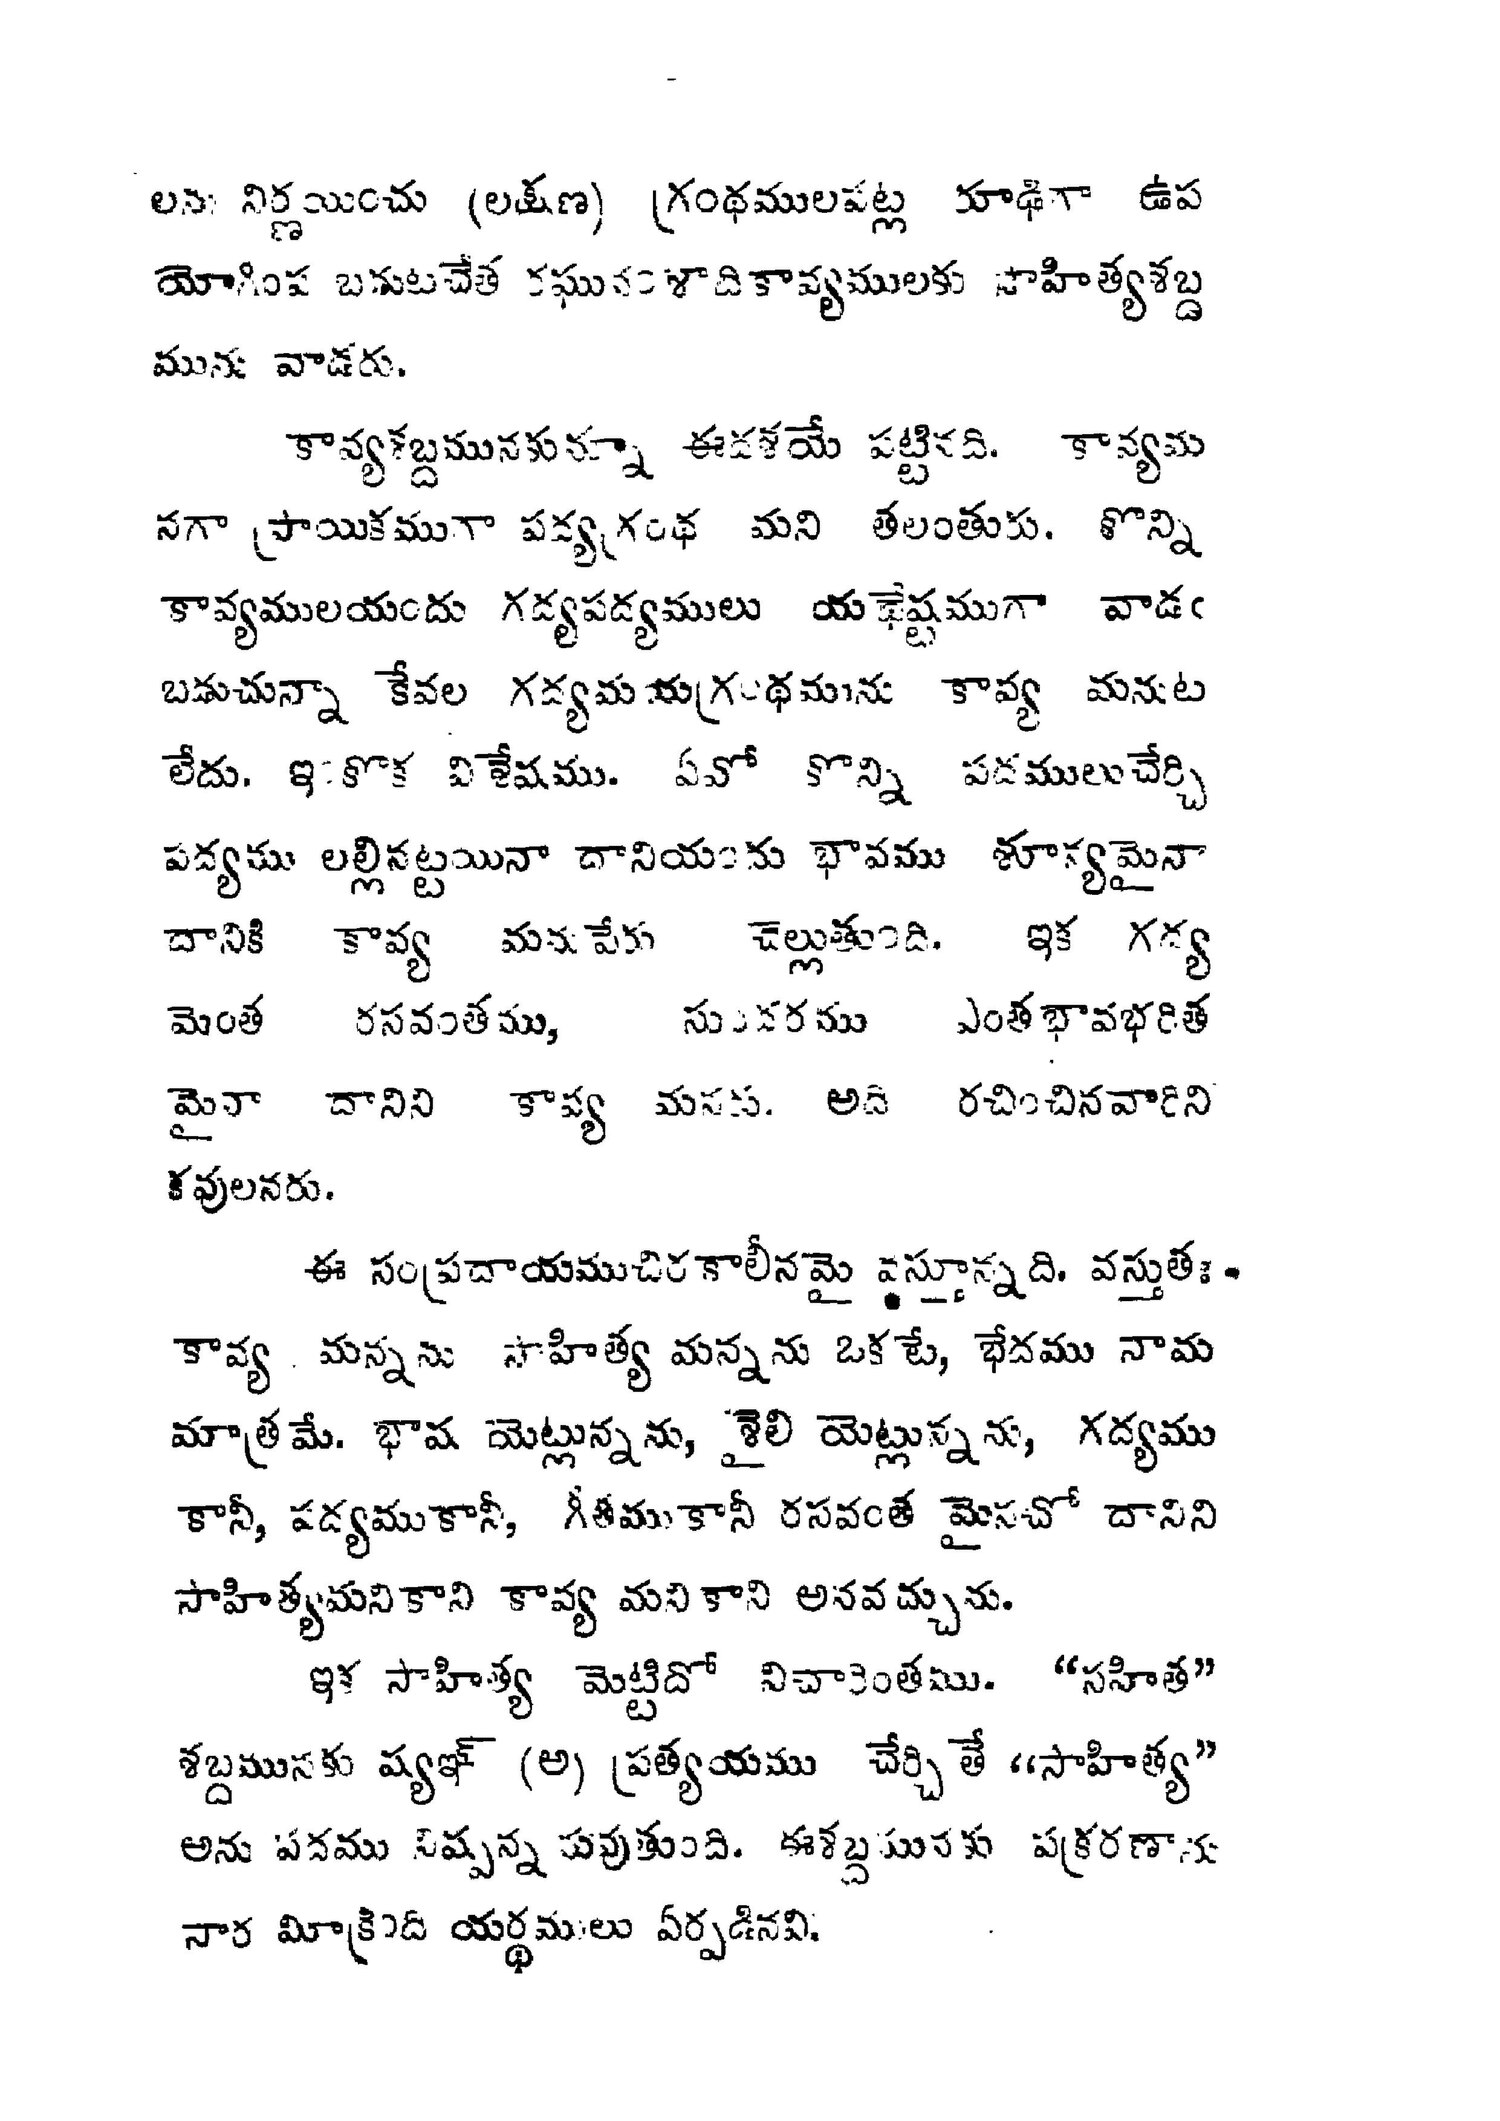లను నిర్ణయించు (లక్షణ) గ్రంథములపట్ల రూఢిగా ఉపయోగింప బడుటచేత రఘువంశాదికావ్యములకు సాహిత్యశబ్దమును వాడరు.

కావ్యశబ్దమునకున్నూ ఈదశయే పట్టినది. కావ్యమనగా ప్రాయికముగా పద్యగ్రంథ మని తలంతురు. కొన్ని కావ్యములయందు గద్యపద్యములు యథేష్టముగా వాడఁబడుచున్నా కేవల గద్యమయగ్రంథమును కావూ మనుట లేదు. ఇంకొక విశేషము. ఏవో కొన్ని పదములుచేర్చి పద్యము లల్లినట్టయినా దానియందు భావము శూన్యమైనా దానికి కావ్య మనుపేరు చెల్లుతుంది. ఇక గద్య మెంత రసవంతము, సుందరము ఎంతభావభరిత మైనా దానిని కావ్య మనరు. అది రచించినవారిని కవులనరు.

ఈ సంప్రదాయముచిరకాలీనమై వస్తూన్నది. వస్తుత: కావ్య మన్నను సాహిత్య మన్నను ఒకటే, భేదము నామ మాత్రమే. భాష యెట్లున్నను, శైలి యెట్లున్నను, గద్యము కానీ, పద్యముకానీ, గీతముకానీ రసవంత మైనచో దానిని సాహిత్యమనికాని కావ్య మనికాని అనవచ్చును.

ఇక సాహిత్య మెట్టిదో విచారింతము. "సహిత" శబ్దమునకు ష్యఞ్ (అ) ప్రత్యయము చేర్చితే "సాహిత్య" అను పదము నిష్పన్నమవుతుంది. ఈశబ్దమునకు పక్రరణానుసార మీక్రింది యర్థములు ఏర్పడినవి.